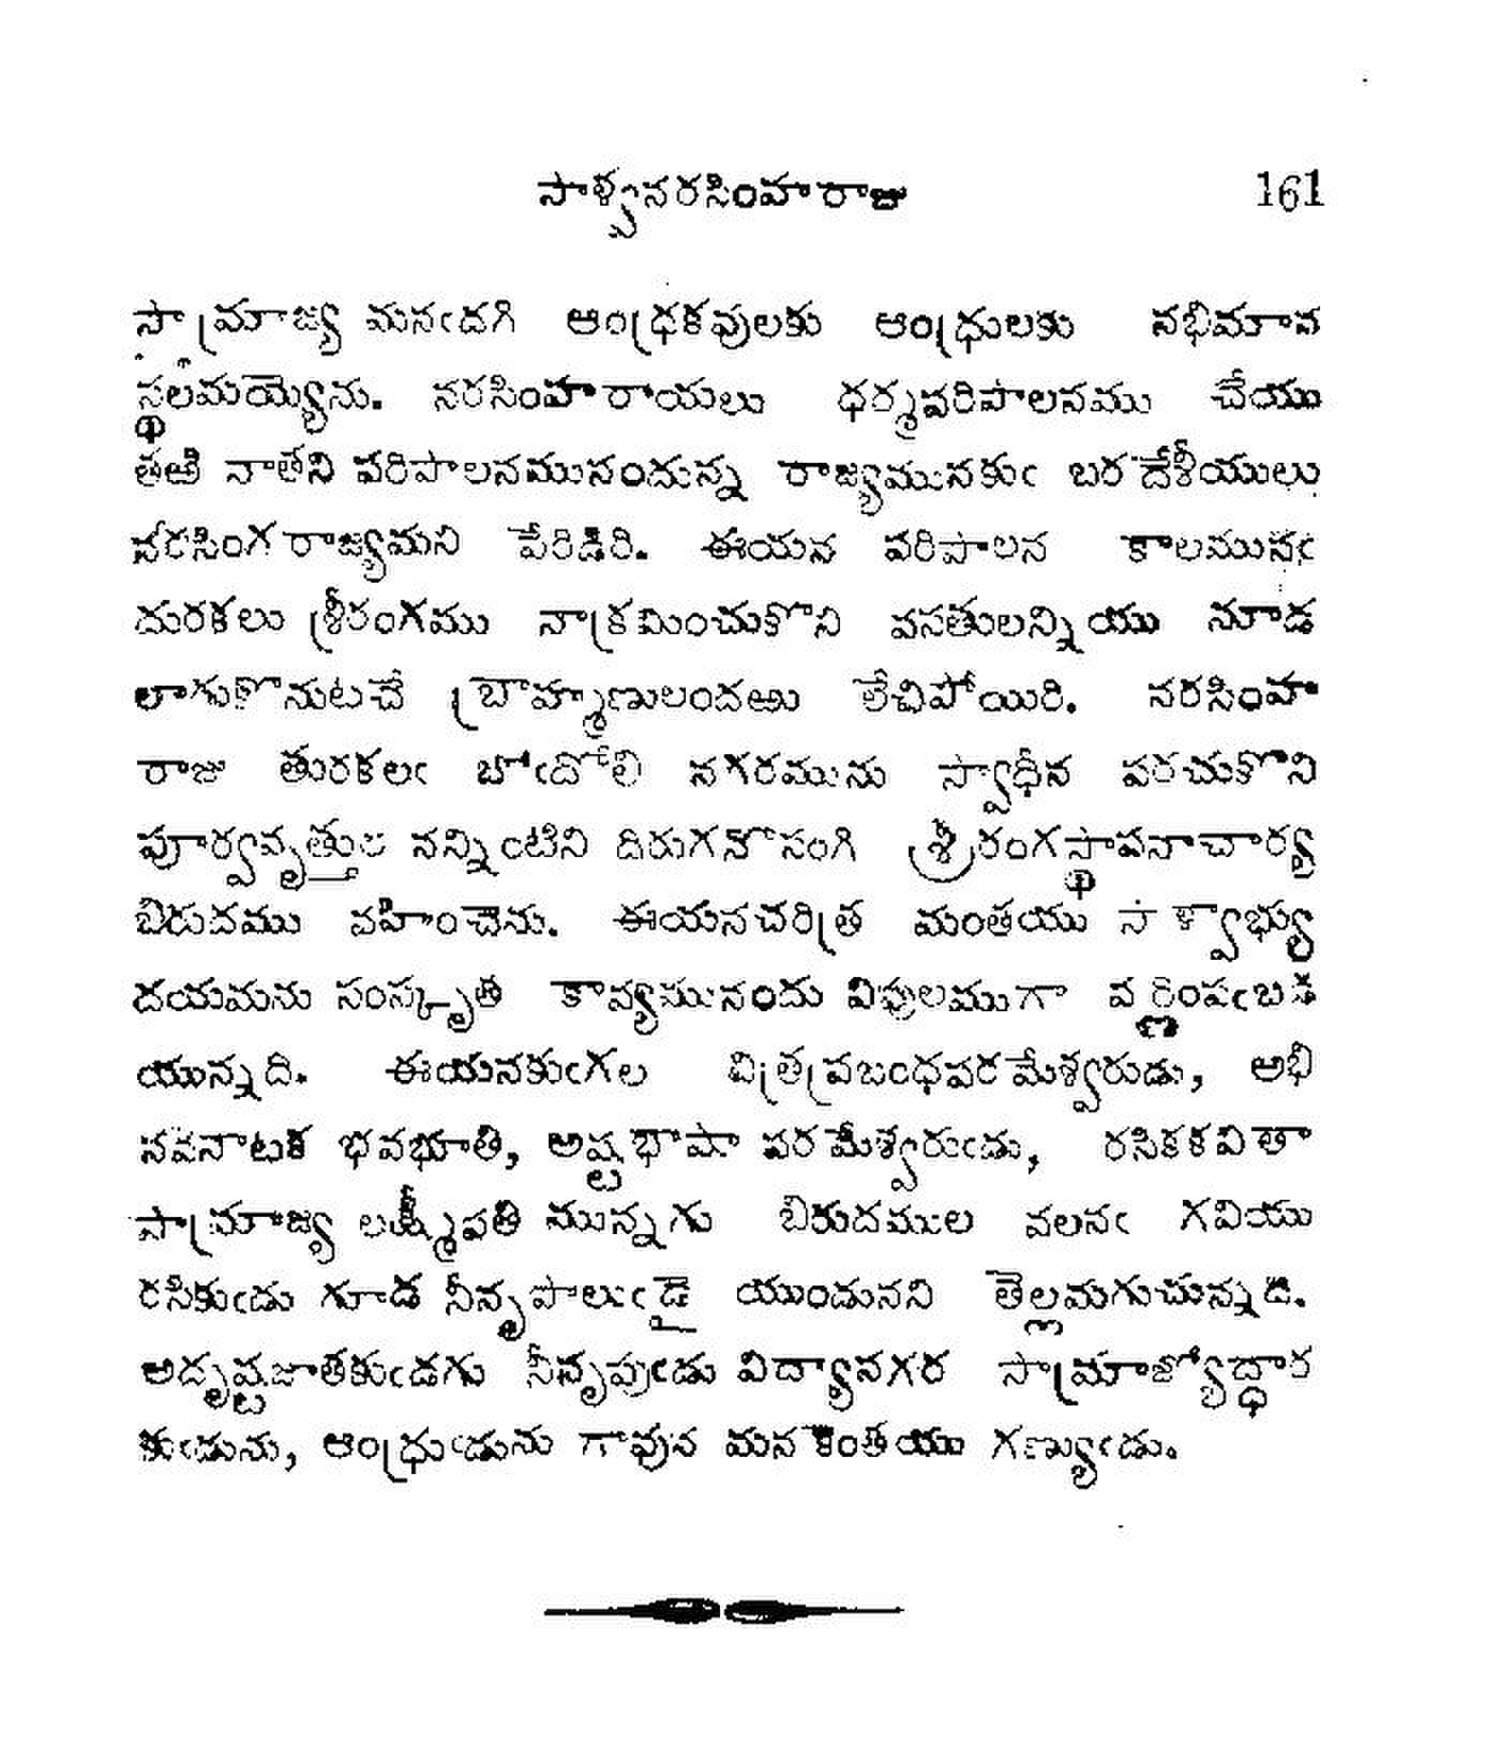సామ్రాజ్య మనదగి ఆంధ్రకవులకు ఆంధ్రులకు నభిమాన స్థలమయ్యెను. నరసింహరాయలు ధర్మపరిపాలనము చేయుతఱి నాతని పరిపాలనమునందున్న రాజ్యమునకు బరదేశీయులు నరసింగరాజ్యమని పేరిడిరి. ఈయన పరిపాలన కాలమున దురకలు శ్రీరంగము నాక్రమించుకొని వసతులన్నియు నూడలాగుకొనుటచే బ్రాహ్మణులందఱు లేచిపోయిరి. నరసింహరాజు తురకల బోదోలి నగరమును స్వాధీన పరచుకొని పూర్వవృత్తుల నన్నింటిని దిరుగనొసంగి శ్రీరంగస్థాపనాచార్య బిరుదము వహించెను. ఈయనచరిత్ర మంతయు సాళ్వభ్యుదయమను సంస్కృత కావ్యమునందు విపులముగా వర్ణింపబడియున్నది. ఈయనకుగల చితప్రబంధపరమేశ్వరుడు, అభినవనాటక భవభూతి, అష్టభాషా పరమేశ్వరుడు, రసికకవితా సామ్రాజ్య లక్ష్మీపతి మున్నగు బిరుదముల వలన గవియు రసికుడు గూడ నీనృపాలుడై యుండునని తెల్లమగుచున్నది. అదృష్టజాతకుడగు నీనృపుడు విద్యానగర సామ్రాజ్యోద్ధారకుడును, ఆంధ్రుడును గావున మనకెంతయు గణ్యుడు.

_________